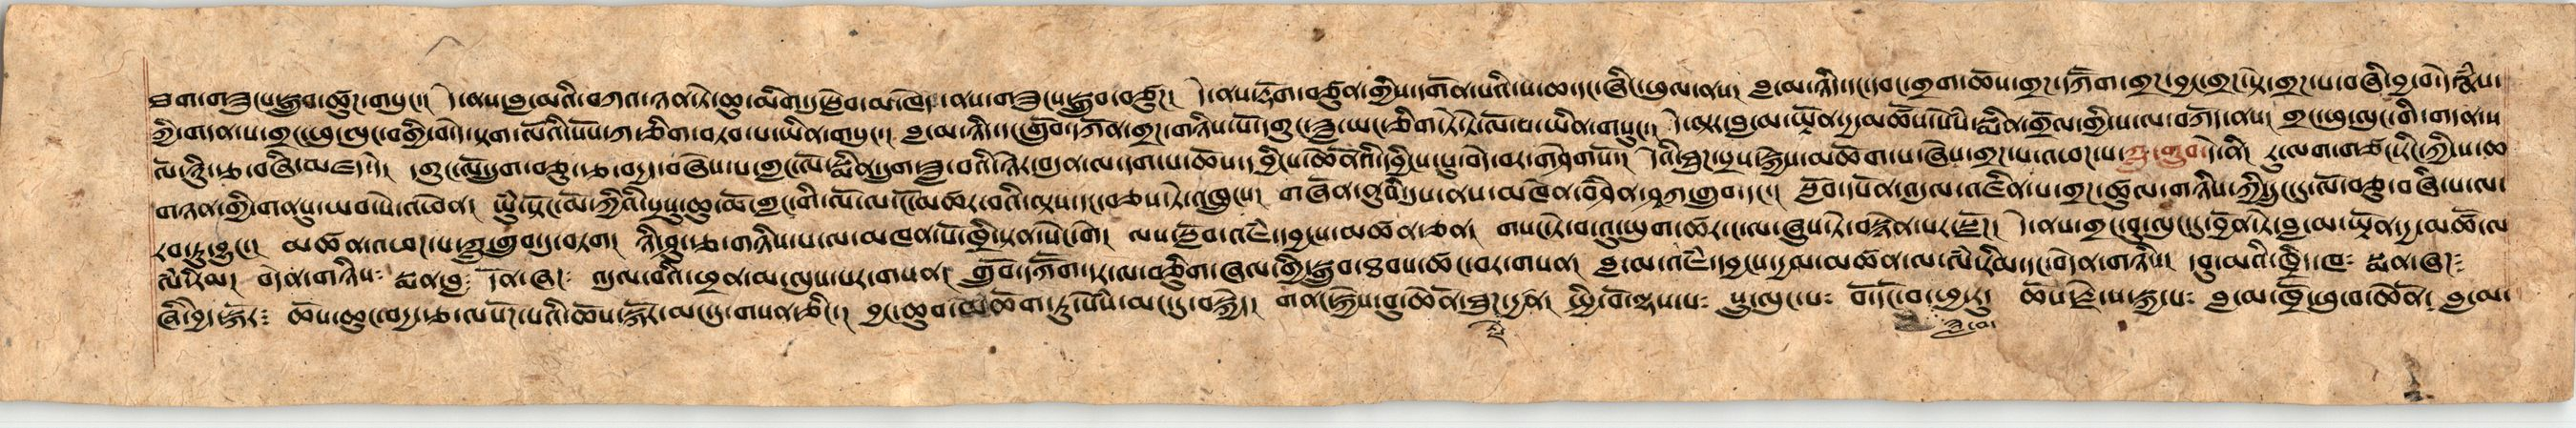ཐག་གཟུངས་སྒྲུབ་ཚུཌ་གསུང་། དེ་ནས་བླ་མའི་བཀའ་ཉན་ཏེ་ཆུ་མིག་དུ་སླེབ་མ་ཁེད་ནས་གཟུངས་སྒྲུབ་བཙུཌ། དེ་ནས་རྡོག་བཙུན་གྱིས་དགོན་པའི་ས་ཆ་དང་ཞིང་ཕུལ་ནས། བླ་མ་ཉིད་དང་དབང་གྲག་ཆོས་གྲཌ་དཀཽག་གྲཌ་བྱང་གྲཌ་སྟེ་གྲཌ་པ་བཞི་བྱ་བ་དེ་རྣཾས་
ཀྱི་གདན་ས་གྲང་ཕུ་ལུང་བགྱི་བ་དེ་སྟག་ལོའི་སོས་ཀ་ཅིག་བཏབ་པ་ཡིན་གསུང་། བླ་མ་ཉིད་དང་གྲུབ་ཐོབ་དཀན་གྲཌ་གཉིས་པོ་དགུང་ཟླ་ཡང་ཅིག་ཏེ་ཏེ་ལོ་བ་ཡིན་གསུང་། དེ་ལྟར་བླ་མ་ཡྟོན་དྱ་མཚོས་སེཾས་སྨིན་གྲོལ་གྱི་ས་ལ་བཀོད་ནས། གྲང་ཕུ་ལུང་གི་གདན་ས་
ལོ་ཉྭིུ་རྩ་བཞི་མཛད་དེ། དགུང་ལོ་དྲུག་བཅུ་རྩ་བདྱད་བཞེས་པ་གླང་ལོ་སྨིན་དྲུག་ཟླ་བའི་ཉེར་བདུན་ལ་དག་པ་ཆོས་དབྱིངས་ཆེནོའི་དབྱིངས་སུ་བདེ་བར་གཤེགསོ། དེའི་ཐུཌ་སྲས་སྐྱེས་མཆོག་པ་ཞེས་གྲཌ་པ་འཕཌ་པ་ཀླུ་གྲུབ་དེ་ནི། རུ་ལག་གཙང་རིང་ཀྱི་ས་ཆ་
མཉེན་གྱི་གནསུ་ཡབ་སེ་འཕེན། ཡུཾ་སྟོང་མོ་ཀྱིའི་སྲསུ་ཆུ་མོ་གླང་གི་ལོ་ལ་ངོ་མཚར་བའི་ལྟས་དང་བཅས་ཏེ་འཁྲུངས། གཞོན་ནུའི་དུས་ནས་མཁེན་བཤཻན་ཤཱཀ་གྲུབ་དང་། སློབ་དཔོན་འདུལ་འཛིན་པ་གྲཌ་ཚུལ་གཉིས་ཀྱི་དྲུང་དུ་ལོ་བཅུ་བཞི་པ་ལ་
རབ་ཏུ་བྱུང་། མཚན་འཕཌ་པ་ཀླུ་གྲུབ་དུ་བཏག། ཉི་ཤུ་རྩ་གཉིས་པ་ལ་མཁན་པོ་ཁྲི་སྟན་སེང་གེ། ལས་སློབ་འཇཾ་དབྱངས་མཚན་ཅན། གསང་ཏེ་བ་་འུ་ཡུག་ཚར་ང་ལ་ཞུས་ཏེ་བསྙེན་པར་སྫོཌ། དེ་ནས་གྲང་བུ་ལུང་དུ་བྱོན་ཏེ་བླ་མ་ཡྟོན་དྱ་མཚོ་ལ་
ལཾ་རིམ། བདེན་གཉིས༴ སྨན་བླ༴ དོན་ཞཌ༴ འདུལ་བའི་ཕྲན་མ་ལུས་པར་གསན། གྲུབོ་དཀཽག་དར་ལ་བཅིུག་ཞལ་གྱི་སྒྲུབ་ཐབས་ཚང་བར་གསན། བླ་མ་འཇཾ་དབྱངས་དྱལ་མཚན་ལ་ལཾ་རིམ་དང་བདེན་གཉིས་ དབུ་མའི་ཁྲིད་ཁ༴ སྨན་ཞཌ༴
ཞི་བྱེད་སྐོར༴ ཆོས་འབྱུང་བདྱ་རྩ་ལསོཌ་པའི་ཆོས་སྐོར་མང་དུ་གསན་ཅིང་། བྱང་ཆུབ་མཆོག་ཏུ་སེཾས་མང་དུ་བསྐྱེད། གནང་སྐྱེས་བུ་ཆེནོ་ཐུཌ་དྱཚན། སྤྱི་བོ་ལྷས་པ༴ སྲུ་ལུང་པ༴ བོ་དོང་་བ་ཕྱ་རུ༴ ཆོས་རྗེ་ས་སྐྱ་པ༴ བླ་མ་ཁྲོ་ཕུ་བ་ཆེནོ༴ བླ་མ་